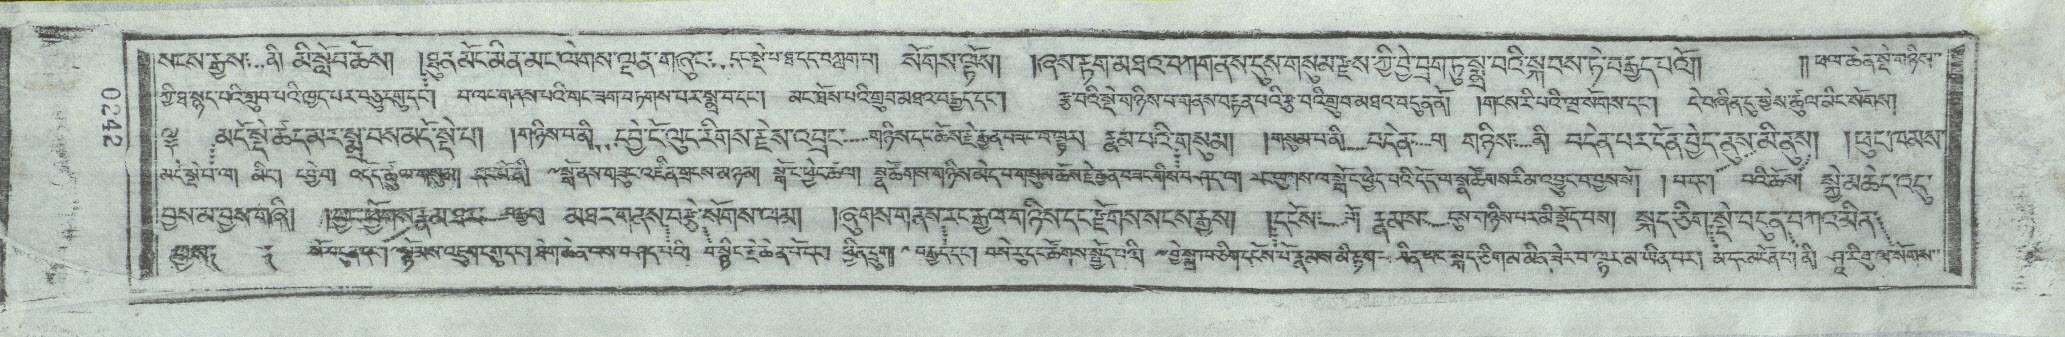སངས་རྒྱས་ནི། མི་སློབ་ཆོས། །ཐུན་མོང་མིན་མང་ལེགས་ལྡན་གཞུང་དང་སྡེ་བ་ཐ་དད་བཀླག་པ། སོགས་ལྟོས། །ཞས་རྟག་མཐའ་བཀག་ནས་དུས་གསུམ་རྫས་ཀྱི་བྱེ་བྲག་ཏུ་སྨྲ་བའི་སྐབས་ཏེ་བརྒྱད་པའོ། །།ཕལ་ཆེན་སྡེ་གཉིས་
ཀྱི་ཐ་སྟང་བའི་གྲུབ་པའི་ཁྱད་པར་བཅུ་དགུ་དང་། པ་ལང་གནས་པའི་གང་ཟག་བཏགས་པར་སྨྲ་བ་དང་། མང་ཐོས་པའི་གྲུབ་མཐའ་བརྒྱད་དང་། རྩ་བའི་སྡེ་གཉིས་པ་གནས་བརྟན་པའི་རྩ་བའི་གྲུབ་མཐའ་བདུན་ནོ། །གངས་རི་བའི་ལྔ་སོགས་དང་། དེ་བཞིན་དུ་གྱེས་ཚུལ་མིང་སོགས།
༈ །མངོ་སྡེ་ཚད་མར་སྨྲ་བས་མདོ་སྡེ་པ། །གཉིས་པ་ནི། དབྱེ་ངོ་ལུང་རིགས་རྗེས་འབྲང་གཉིས་དང་ཆོས་རྗེ་རྒྱན་བཟང་བ་ལྟར། རྣམ་པའི་གསུམ། །གསུམ་པ་ནི། བདེན་བ། གཉིས་མི། བདེན་པར་དོན་བྱེད་ནུས་མི་ནུས། །ཕུང་ཁམས་
མངོ་སྲེ་པ་ལ། མིང་། དབྱེ་བ། འདོད་ཚུལ་གསུམ། དང་པོ་ནི། སློ་ནས་གཟུང་འཛིན་གྲངས་མཉམ། སྒོང་ཕྱེད་ཚལ། སྣ་ཚོགས་གཉིས་མེད་པ་གསུམ་ཆོས་རྗེ་རྒྱན་བཟང་གིས་བཤད་ལ། པ་ལུ་གསལ་སྒོང་བྱེད་པའི་དོད་ལ་སྣ་ཚོགས་རིམ་འབྱུང་བ་བྱས་སོ། །བ་དང་། བའི་ཆོས། སྐྱེམ་ཆེང་དུ་
བྱས་མ་བྱས་གཞི། །བྱང་ཕྱོགས་རྣམ་ཐར་བརྒྱད། མཐང་གནས་བརྩེ་སོགས་ལམ། །བཞུགས་གནས་རང་རྒྱལ་གཉིས་དང་རྫོགས་སངས་རྒྱས། །དངོས་བོ། རྣམས་དུས་གཉིས་པར་མི་སྡོད་པས། སྐད་ཅིག་སྡེ་བདུན་བཀའ་མིན་
བྱས། །སོ་བདུན་དང་། སྙོམས་འཇུག་དགུ་དང་། ཐེག་ཆེན་ལས་བཤད་པའི། སྙིང་རྗེ་ཆེན་པོ་དང་། ཕྱིན་དྲུག། བརྒྱད་དང་། བསེ་རུ་དང་ཚོགས་སྤྱོད་པའི། བྱེ་སྒྲ་ཁ་ཅིག་དངོས་པོ་རྣམས་མི་རྟག་ཡིན་ཡང་སྐད་ཅིགས་མ་མིན་ཟེར་བ་ལྟར་མ་ཡིན་པར། མད་མངོན་པ་ནི། ཤཱ་རིལ་ལ་སོགས་